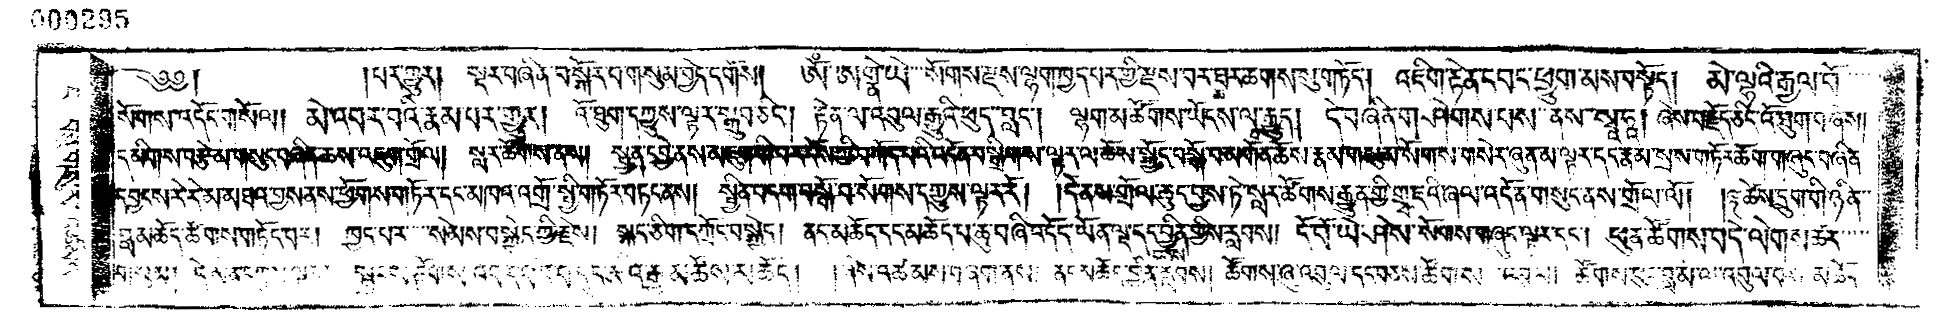༄༅། །པར་གྱུར། སྔར་བཞིན་བསྐོར་བ་གསུམ་བྱེད་དགོས། ཨོཾ་ཨགནེ་ཡེ་སོགས་རྫས་ལྷག་ཁྱད་པར་གྱི་རྫས་པར་མཐར་ཆགས་སུ་གཏོང་། འཇིག་རྟེན་དབང་ཕྱུག་མས་བསྟོད། མེ་ལྷའི་རྒྱལ་པོ་
སོགས་འདོད་གསོལ། མེ་འབར་བའི་རྣམ་པར་གྱུར། འོ་ཐུག་དཀྱུས་ལྟར་སྒྲུབ་ཅིང་།  རྟེན་ལ་འབུལ་རྒྱུའི་ཕུད་བླང་། ལྷག་མ་ཚོགས་ཡོངས་ལ་རྒྱུད། དེ་བཞིན་གཤེགས་པས་ནས་སྭཱ་ཧཱ། ཞེས་བརྗོད་ཅིང་འོ་ཐུག་བཞེས།
དམིགས་བརྩེ་མ་གསུང་བཞིན་ཆས་འཇུག་གྲོལ། སླར་ཚོགས་ནས། སྤྱན་དབྱེ་ནས་མཇུག་གི་བར་ངོས་ཀྱི་བཀོད་པའི་འདོན་བསྒྲིགས་ལྟར་ལ་ཆོས་སྐྱོང་བསྒོ་བ་མགོན་ཆོས་རྣམ་གསུམ་སོགས་གསེར་ཞུན་མ་ལྟར་དང་རྣམ་སྲས་གཏོར་ཆོག་གཞུང་བཞིན་
དབྱངས་རེ་རེ་མ་མཐའ་བྱས་ནས་ཕྱོགས་གཏོར་དང་མཁའ་འགྲོ་སྤྱི་གཏོར་བཏང་ནས། སྦྱིན་བདག་བསྒོ་བ་སོགས་དཀྱུས་ལྟར་རོ། །དེ་ནས་གྲོལ་ཆུང་བྱས་ཏེ་སླར་ཚོགས་རྒྱུན་གྱི་གྲྭ་ཇའི་ཞལ་འདོན་གསུང་ནས་གྲོལ་ལོ། །༈ ཚེས་དྲུག་གི་ཉིན་
བླ་མཆོད་ཚོགས་གཏོང་བར། ཁྱད་པར་སེམས་བསྐྱེད་ཀྱི་རྗེས། སྐད་ཅིག་དཀྲོང་བསྐྱེད། ནང་མཆོད་དང་མཆོད་པ་ཆུ་བཞི་འདོད་ཡོན་ལྔ་དང་བཅས་བྱིན་གྱིས་རླབས། ངོ་བོ་ཡེ་ཤེས་སོགས་གཞུང་ལྟར་དང་། ཕུན་ཚོགས་བདེ་ལེགས་ཚར་
གསུམ། དེ་མན་དཀྱུས་ལྟར། སྦྱངས་རྟོགས་འབར་བའི་བདུད་རྩིའི་རྒྱ་མཚོས་མཆོད། །ཞེས་འཚམས་བཞག་ནས། ནང་མཆོད་བྱིན་རླབས། ཚོགས་ཞུ་འབུལ་དང་བཅས་ཚོགས་འབུལ། ཚོགས་ཕུད་བླ་མ་ལ་འབུལ་བར། མཆོད་